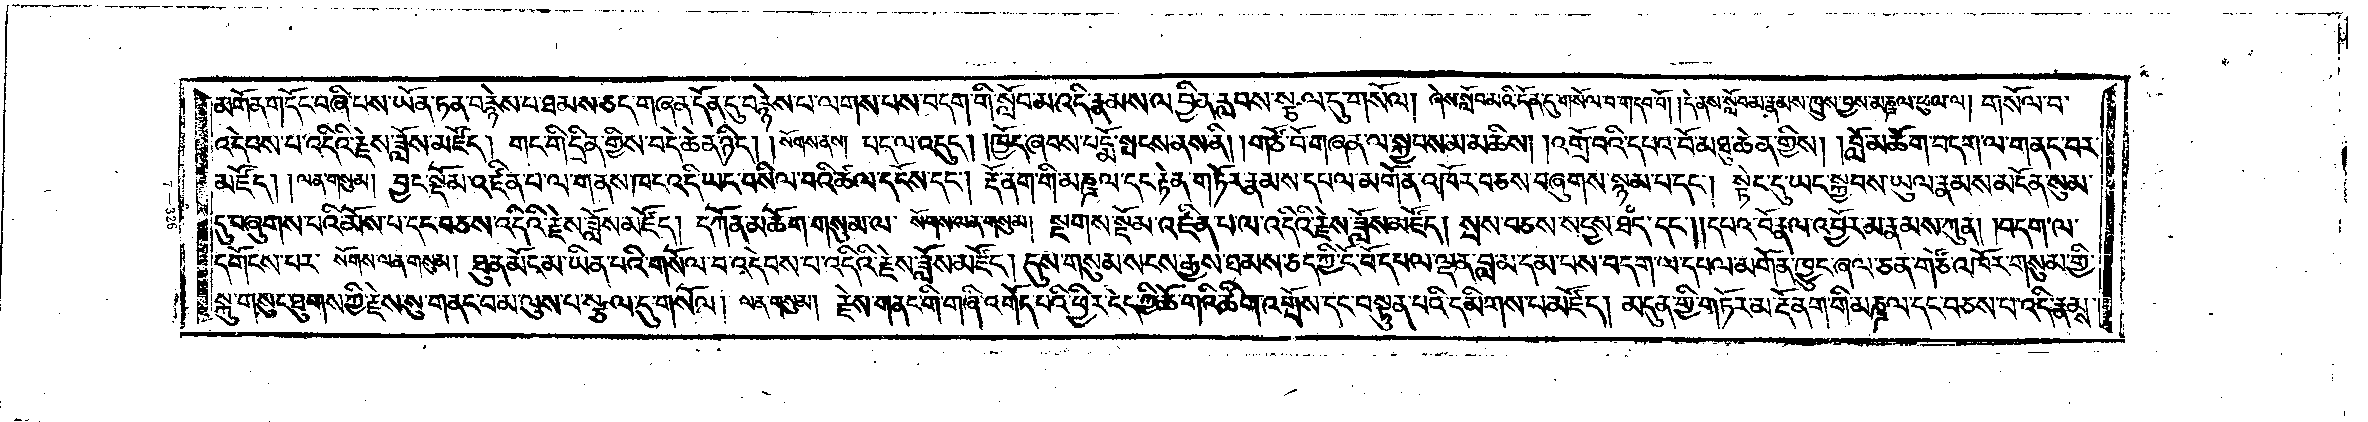མགོན་གདོང་བཞི་པས་ཡོན་ཏན་བརྙེས་པ་ཐམས་ཅད་གཞན་དོན་དུ་བརྙེས་པ་ལགས་པས་བདག་གི་སློབ་མ་འདི་རྣམས་ལ་བྱིན་རླབས་སྩལ་དུ་གསོལ། ཞེས་སློབ་མའི་དོན་དུ་གསོལ་བ་གདབ་བོ། །དེ་ནས་སློབ་མ་རྣམས་ཁྲུས་བྱས་མཎྜལ་ཕུལ་ལ།  གསོལ་བ་
འདེབས་པ་འདིའི་རྗེས་ཟློས་མཛོད། གང་གི་དྲིན་གྱིས་བདེ་ཆེན་ཉིད། །སོགས་ནས།  བད་ལ་འདུད། །ཁྱོད་ཞབས་པདམོ་སྤངས་ནས་ནི། །གཙོ་བོ་གཞན་ལ་སྐྱབས་མ་མཆིས། །འགྲོ་བའི་དཔའ་བོ་མཐུ་ཆེན་གྱིས། །བློ་མཆོག་བདག་ལ་གནང་བར་
མཛོད། །ལན་གསུམ།  བྱང་སྡོམ་འཛིན་པ་ལ་གནས་ཁང་འདི་ཡང་བསིལ་བའི་ཚལ་དངོས་དང་། རྡོ་ནག་གི་མཎྜལ་དང་རྟེན་གཏོར་རྣམས་དཔལ་མགོན་འཁོར་བཅས་བཞུགས་སྙམ་པ་དང་། སྟེང་དུ་ཡང་སྐྱབས་ཡུལ་རྣམས་མངོན་སུམ་
དུ་བཞུགས་པའི་མོས་པ་དང་བཅས་འདིའི་རྗེས་ཟློས་མཛོད། དཀོན་མཆོག་གསུམ་ལ་སོགས་ལན་གསུམ།  སྔགས་སྡོམ་འཛིན་པ་ལ་འདིའི་རྗེས་ཟློས་མཛོད། སྲས་བཅས་སངྱས་ཐཾད་དང་། །དཔའ་བོ་རྣལ་འབྱོར་མ་རྣམས་ཀུན། །བདག་ལ་
དགོངས་པར་སོགས་ལན་གསུམ།  ཐུན་མོང་མ་ཡིན་པའི་གསོལ་བ་འདེབས་པ་འདིའི་རྗེས་ཟློས་མཛོད། དུས་གསུམ་སངས་རྒྱས་ཐམས་ཅད་ཀྱི་ངོ་བོ་དཔལ་ལྡན་བླ་མ་དམ་པས་བདག་ལ་དཔལ་མགོན་ཁྱུང་ཞལ་ཅན་གཙོ་འཁོར་གསུམ་གྱི་
སྐུ་གསུང་ཐུགས་ཀྱི་རྗེས་སུ་གནང་བ་མ་ལུས་པ་སྩལ་དུ་གསོལ། ལན་གསུམ།  རྗེས་གནང་གི་གཞི་འགོད་པའི་ཕྱིར་ངེད་ཀྱི་ཆོ་གའི་ཚིག་འགྲོས་དང་བསྟུན་བའི་དམིགས་པ་མཛོད། མདུན་གྱི་གཏོར་མ་རྡོ་ནག་གི་མཎྜལ་དང་བཅས་པ་འདི་རྣམས་